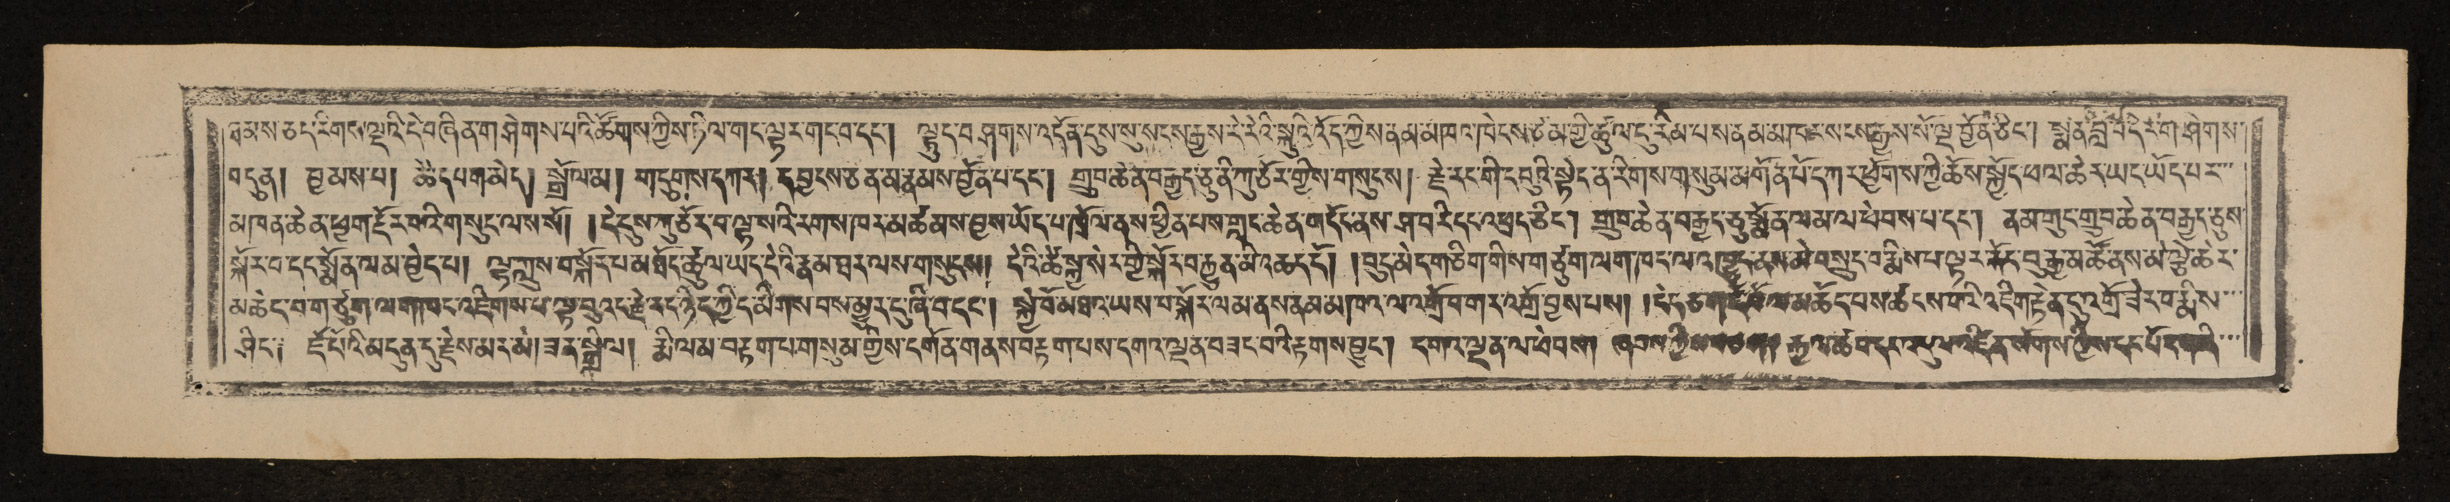ཐམས་ཅད་རིགས་ལྔའི་དེ་བཞིན་གཤེགས་པའི་ཚོགས་ཀྱིས་ཏིལ་གང་ལྟར་གང་བ་དང་། ལྟུང་བཤགས་འདོན་དུས་སུ་སངས་རྒྱས་རེ་རེའི་སྐུའི་འོད་ཀྱིས་ནམ་མཁའ་ཁེངས་ཙམ་གྱི་ཚུལ་དུ་རིམ་པས་ནམ་མཁར་སངས་རྒྱས་སོ་ལྔ་བྱོན་ཅིང་། སྨན་བླ་བདེར་གཤེགས་
བདུན། བྱམས་པ། ཚེ་དཔག་མེད། སྒྲོལ་མ། གདུགས་དཀར། དབྱངས་ཅན་མ་རྣམས་བྱོན་པ་དང་། གྲུབ་ཆེན་བརྒྱད་ཅུ་ནི་ཀུ་ཅོར་གྱིས་གསུངས། རྗེ་རང་གི་དབུའི་སྟེང་ན་རིགས་གསུམ་མགོན་པོ་དཀར་ཕྱོགས་ཀྱི་ཆོས་སྐྱོང་ཕལ་ཆེར་ཡང་ཡོད་པར་
མཁན་ཆེན་ཕྱག་རྡོར་པའི་གསུང་ལས་སོ། །དེ་དུས་ཀུ་ཅོར་བ་ལྷ་སའི་རགས་ཁར་མཚམས་བྱས་ཡོད་པ་ཁྲོལ་ནས་ཕྱིན་པས་གླང་ཆེན་གདོང་ནས་ཤ་བ་རི་དང་འཕྲད་ཅིང་། གྲུབ་ཆེན་བརྒྱད་ཅུ་སྨོན་ལམ་ལ་ཕེབས་པ་དང་། ནམ་གུང་གྲུབ་ཆེན་བརྒྱད་ཅུས་
སྐོར་བ་དང་སྨོན་ལམ་བྱེད་པ། ལྷ་ཀླུས་བསྐོར་བ་མཐོང་ཚུལ་ཡང་དེའི་རྣམ་ཐར་ལས་གསུངས། དེའི་ཚེ་སྐྱ་སེར་གྱི་སྐོར་བ་རྒྱུན་མི་འཆད་དོ། །བུད་མེད་གཅིག་གིས་གཙུག་ལག་ཁང་ལ་འཁྱུད་ནས་མེ་བསྲུང་བ་རྨིས་པ་ལྟར་རྐོང་བུ་རྒྱ་མཚོ་ནས་མེ་ལྕེ་ཆེར་
མཆེད་པ་གཙུག་ལག་ཁང་འཇིགས་པ་ལྟ་བུའང་རྗེ་རང་ཉིད་ཀྱི་དམིགས་པས་མྱུར་དུ་ཞི་བ་དང་། སྐྱེ་པོ་མཐའ་ཡས་པ་སྐོར་ལམ་ནས་ནམ་མཁའ་ལ་འགྲོ་བ་གར་འགྲོ་བྱས་པས། ངེད་ཅག་ཇོ་བོ་ལ་མཆོད་པས་ཚ་དག་པའི་འཇིག་རྟེན་དུ་འགྲོ་ཟེར་བ་རྨིས་
ཤིང༑ ཇོ་བོའི་མདུན་དུ་རྗེས་མར་མེ། ཟན་སྒྲིལ། རྨི་ལམ་བརྟག་པ་གསུམ་གྱིས་དགོན་གནས་བརྟག་པས་དགའ་ལྡན་བཟང་པའི་རྟགས་བྱུང་། དགའ་ལྡན་ལ་ཕེབས། ཞབས་ཀྱིས་བཅག། རྒྱལ་ཚབ་དང་འདུལ་འཛིན་སོགས་ཀྱིས་དང་པོར་གཞི་